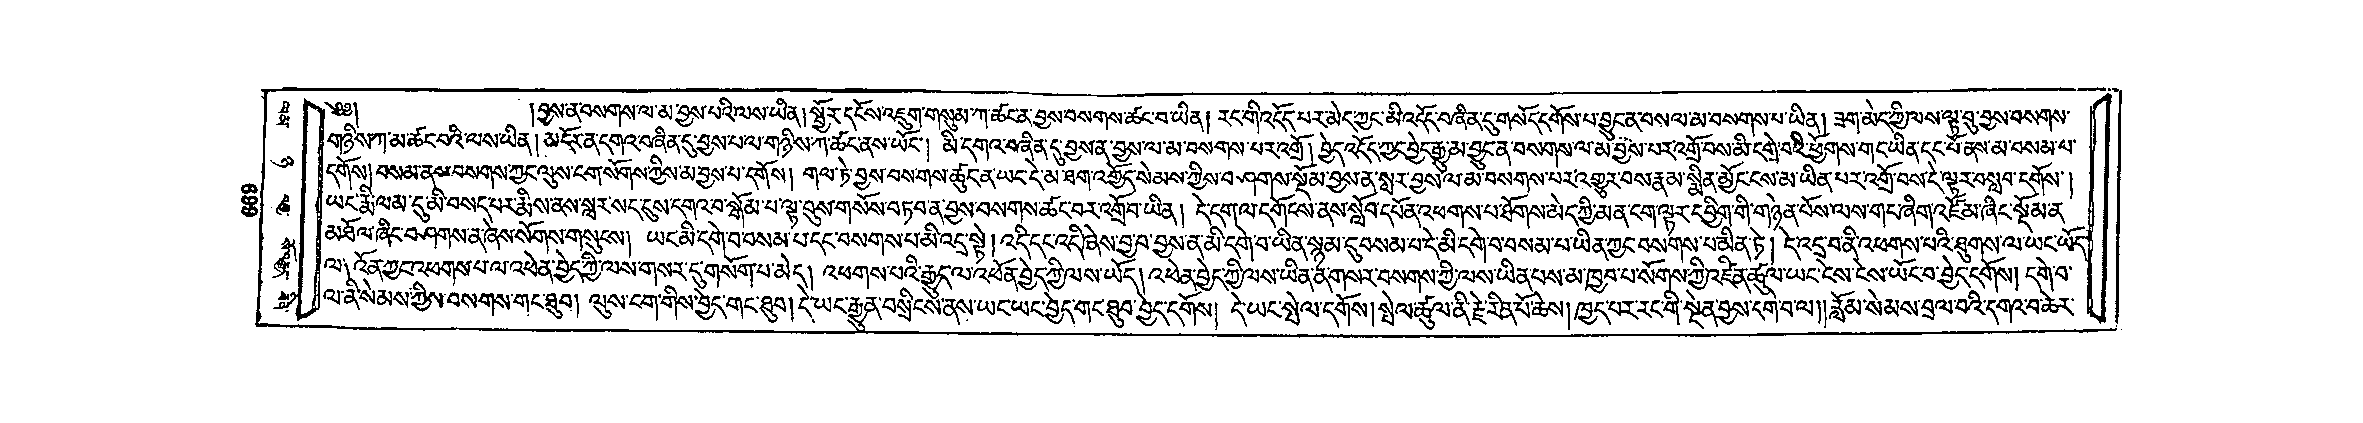༄༅། །བྱས་ན་བསགས་ལ་མ་བྱས་པའི་ལས་ཡིན། སྦྱོར་དངོས་འཇུག་གསུམ་ཀ་ཚང་ན་བྱས་བསགས་ཚང་བ་ཡིན། རང་གི་འདོད་པར་མེད་ཀྱང་མི་འདོད་བཞིན་དུ་གསོད་དགོས་པ་བྱུང་ན་བསལ་མ་བསགས་པ་ཡིན། ཟག་མེད་ཀྱི་ལས་ལྟ་བུ་བྱས་བསགས་
གཉིས་ཀ་མ་ཚང་བའི་ལས་ཡིན། མདོར་ན་དགའ་བཞིན་དུ་བྱས་པ་ལ་གཉིས་ཀ་ཚང་ནས་ཡོང་། མི་དགའ་བཞིན་དུ་བྱས་ན་བྱས་ལ་མ་བསགས་པར་འགྲོ། བྱེད་འདོད་ཀྱང་བྱེད་རྒྱུ་མ་བྱུང་ན་བསགས་ལ་མ་བྱས་པར་འགྲོ་བས་མི་དགེ་བའི་ཕྱོགས་གང་ཡིན་དང་པོ་ནས་མ་བསམ་པ་
དགོས། བསམ་ནས་བསགས་ཀྱང་ལུས་ངག་སོགས་ཀྱིས་མ་བྱས་པ་དགོས། གལ་ཏེ་བྱས་བསགས་ཚུད་ན་ཡང་དེ་མ་ཐག་འགྱོད་སེམས་ཀྱིས་བཤགས་སྡོམ་བྱས་ན་སླར་བྱས་ལ་མ་བསགས་པར་འགྱུར་བས་རྣམ་སྨིན་མྱོང་ངས་མ་ཡིན་པར་འགྲོ་བས་དེ་ལྟར་བསླབ་དགོས།
ཡང་རྨི་ལམ་དུ་མི་བསད་པར་རྨིས་ནས་སླར་སད་དུས་དགའ་བ་སྒོམ་པ་ལྟ་བུས་གསོས་བཏབ་ན་བྱས་བསགས་ཚང་བར་འགྲོ་བ་ཡིན། དེ་དག་ལ་དགོངས་ནས་སློབ་དཔོན་འཕགས་པ་ཐོགས་མེད་ཀྱི་མན་ངག་ལྟར་དབྱིག་གི་གཉེན་པོས་ལས་གང་ཞིག་འཛོམ་ཞིང་སྡོམ་ན་
མཐོལ་ཞིང་བཤགས་ན་ཞེས་སོགས་གསུངས། ཡང་མི་དགེ་བ་བསམ་པ་དང་བསགས་པ་མི་འདྲ་སྟེ། འདི་དང་འདི་ཞེས་བྱ་བ་བྱས་ན་མི་དགེ་བ་ཡིན་སྙམ་དུ་བསམ་པ་དེ་མི་དགེ་བ་བསམ་པ་ཡིན་ཀྱང་བསགས་པ་མིན་ཏེ། དེ་འདྲ་བ་ནི་འཕགས་པའི་ཐུགས་ལ་ཡང་ཡོད་
ལ། འོན་ཀྱང་འཕགས་པ་ལ་འཕེན་བྱེད་ཀྱི་ལས་གསར་དུ་གསོག་པ་མེད། འཕགས་པའི་རྒྱུད་ལ་འཕོན་བྱེད་ཀྱི་ལས་ཡོད། འཕེན་བྱེད་ཀྱི་ལས་ཡིན་ན་གསར་བསགས་ཀྱི་ལས་ཡིན་པས་མ་ཁྱབ་པ་སོགས་ཀྱི་འཛིན་ཚུལ་ཡང་ངེས་ངེས་ཡོང་བ་བྱེད་དགོས། དགེ་བ་
ལ་ནི་སེམས་ཀྱིས་བསགས་གང་ཐུབ། ལུས་ངག་གིས་བྱེད་གང་ཐུབ། དེ་ཡང་རྒྱུན་བསྲིངས་ནས་ཡང་ཡང་བྱེད་གང་ཐུབ་བྱེད་དགོས། དེ་ཡང་སྤེལ་དགོས། སྤེལ་ཚུལ་ནི་རྗེ་རིན་པོ་ཆེས། ཁྱད་པར་རང་གི་སྡེན་བྱས་དགེ་བ་ལ། །རློམ་སེམས་བྲལ་བའི་དགའ་བ་ཆེར་